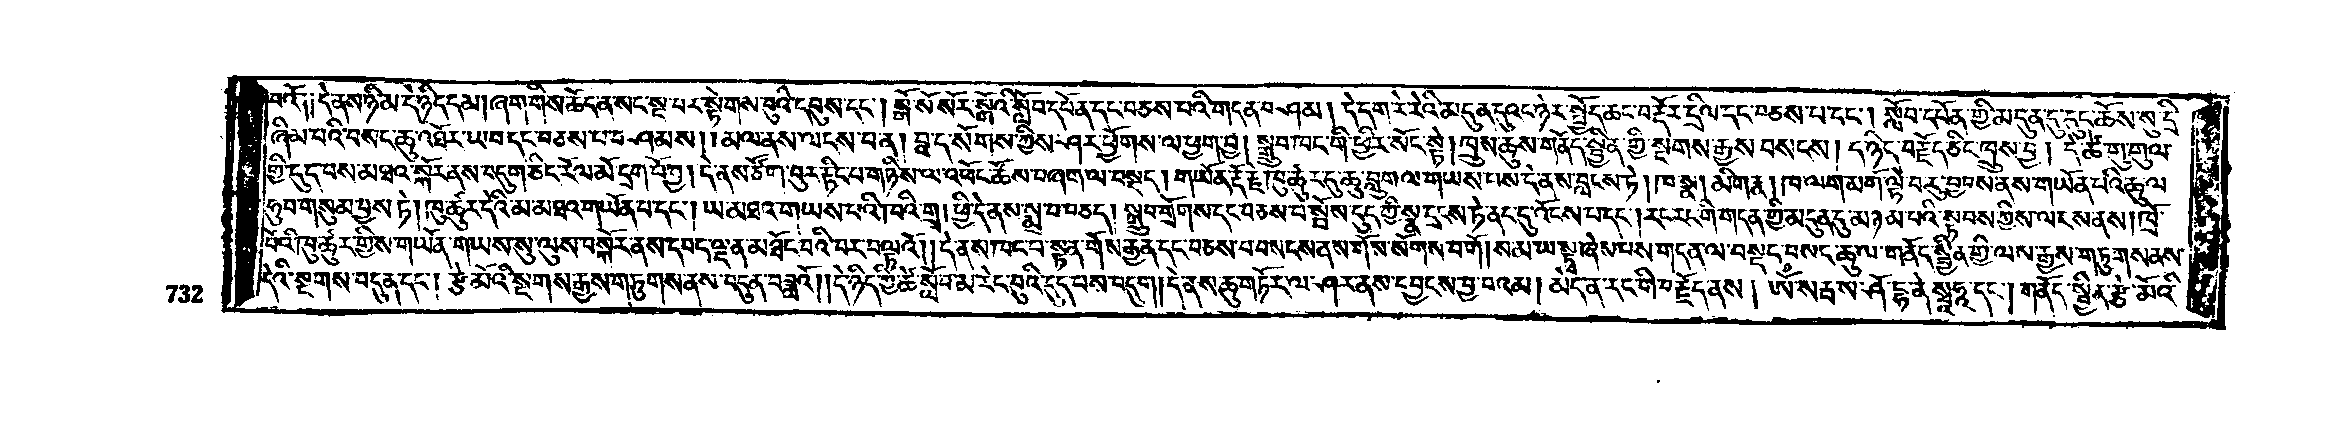བའོ། །དེ་ནས་ཉི་མ་དེ་ཉིད་དམ། ཞག་གིས་ཆོད་ན་སང་སྔ་པར་སྟེགས་བུའི་དབུས་དང་། སྒོ་སོ་སོར་སྒོའི་སློབ་དཔོན་དང་བཅས་པའི་གདན་བཤམ། དེ་དག་རེ་རེའི་མདུན་དུའང་ཉེར་སྤྱོད་ཆང་བ་རྡོར་དྲིལ་དང་བཅས་པ་དང་། སློབ་དཔོན་གྱི་མདུན་དུ་དུང་ཆོས་སུ་དྲི་
ཞིམ་པའི་བསང་ཆུ་འཐོར་ཡབ་དང་བཅས་པ་བཤམས། །མལ་ནས་ལངས་པ་ན། བཱ་ད་སོགས་ཀྱིས་ཤར་ཕྱོགས་ལ་ཕྱག་བྱ། སྒྲུབ་ཁང་གི་ཕྱིར་སོང་སྟེ། ཁྲུས་ཆུས་གནོད་སྦྱིན་གྱི་སྔགས་རྒྱས་བསངས། ད་ཉིད་བརྗོད་ཅིང་ཁྲུས་བྱ། དེ་ཚེ་གུ་གུལ་
གྱི་དུད་པས་མཐའ་སྐོར་ནས་བདུག་ཅིང་རོལ་མོ་དྲག་པོ་བྱ། དེ་ནས་ཙོག་བུར་རྟིང་པ་གཉིས་ལ་འཕོང་ཚོས་བཞག་ལ་བསྡད། གཡོན་རྡོ་རྗེ་ཁུ་ཚུར་དུ་ཆུ་བླུག་ལ་གཡས་པས་དེ་ནས་བླངས་ཏེ། ཁ་སྣ། མིག་རྣ། ཁ་ལག་མགོ་ལྟེ་བ་རུ་བྱབས་ནས་གཡོན་པའི་ཆུ་ལ་
ཧུབ་གསུམ་བྱས་ཏེ། ཁུ་ཚུར་དེའི་མ་མཐའ་གཡོན་པ་དང་། ཡ་མཐའ་གཡས་པའི་ཁའི་གྲྭ། ཕྱི་དེ་ནས་སྨྲ་བ་བཅད། སྒྲུབ་གྲོགས་དང་བཅས་པ་སྤོས་དུད་ཀྱི་སྣ་དྲངས་ཏེ་ནང་དུ་འོངས་པ་དང་། རང་རང་གི་གདན་གྱི་མདུན་དུ་མཉམ་པའི་སྟབས་ཀྱིས་ལངས་ནས། ཁྲོ་
བོའི་ཁུ་ཚུར་གྱིས་གཡོན་གཡས་སུ་ལུས་བསྐོར་ནས་དབང་ལྡན་མཐོང་བའི་བར་བལྟའོ། །དེ་ནས་ཁང་པ་སྟན་གོས་རྒྱན་དང་བཅས་པ་བསངས་ནས་གོས་སོགས་བགོ །ས་མ་ཡ་སྟྭ་ཞེས་པས་གདན་ལ་བསྡང་བསང་ཆུ་ལ་གནོད་སྦྱིན་གྱི་ལས་རྒྱས་གཏུགས་ནས་
དེའི་སྔགས་བདུན་དང་། རྩེ་མོའི་སྔགས་རྒྱས་གཏུགས་ནས་བདུན་བཟླའོ། །དེ་ཉིད་ཀྱི་ཚེ་སློབ་མ་རེང་བུའི་དུད་པས་བདུག །དེ་ནས་ཆུ་གཏོར་ལ་ཤར་ནས་དབྱངས་བྱ་བའམ། མེད་ན་རང་གི་བརྗོད་ནས། ཨོཾ་སརྦ་ས་ཤོ་དྷ་ནེ་སྭཱ་ཧཱ་དང་། གནོད་སྦྱིན་རྩེ་མོའི་